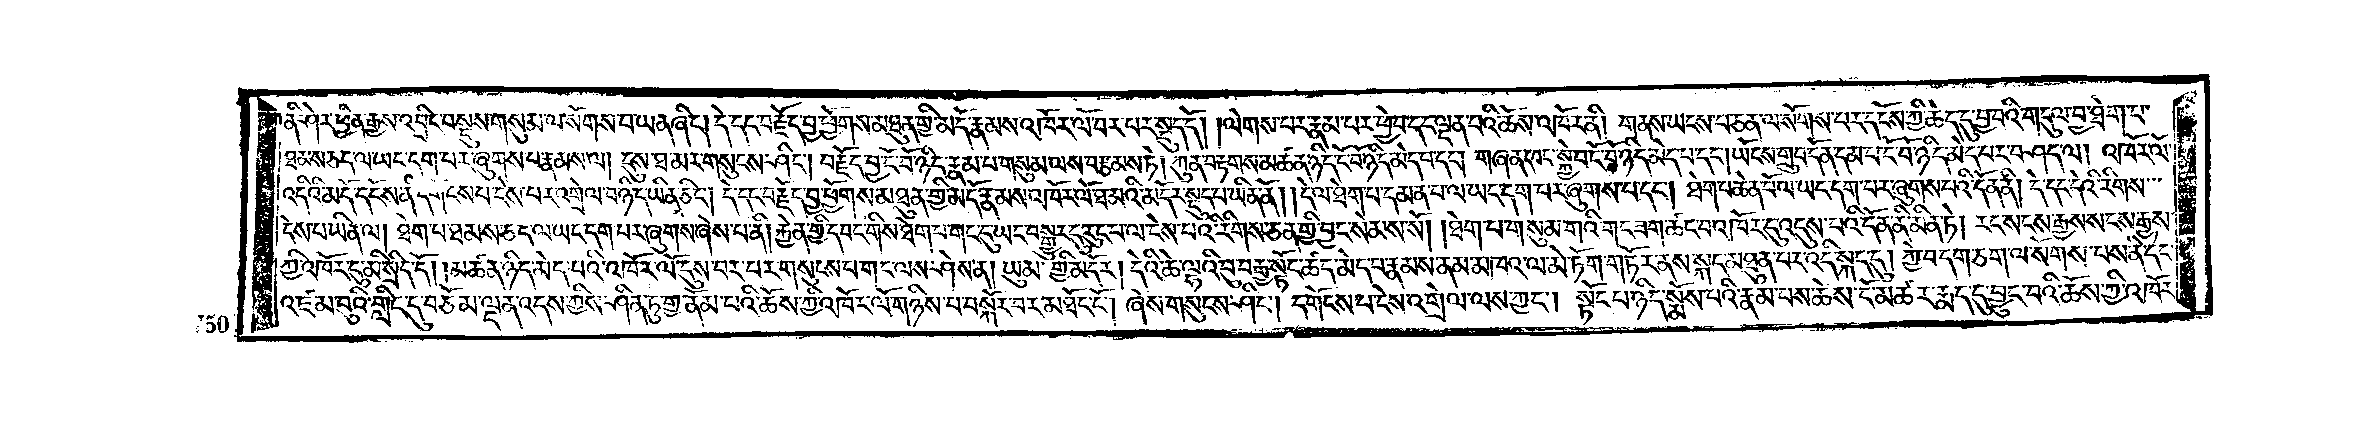ནི་ཤེར་ཕྱིན་རྒྱས་འབྲིང་བསྡུས་གསུམ་ལ་སོགས་པ་ཡིན་ཞིང་། དེ་དང་བརྗོད་བྱ་ཕྱོགས་མཐུན་གྱི་མདོ་རྣམས་འཁོར་ལོ་བར་པར་སྡུད་དོ། །ལེགས་པར་རྣམ་པར་ཕྱེ་བ་དང་ལྡན་པའི་ཆོས་འཁོར་ནི། གནས་ཡངས་པ་ཅན་ལ་སོགས་པར་དངོས་ཀྱི་ཆེད་དུ་བྱ་བའི་གདུལ་བྱ་ཐེག་པ་
ཐམས་ཅད་ལ་ཡང་དག་པར་ཞུགས་པ་རྣམས་ལ། དུས་ཐ་མར་གསུངས་ཤིང་། བརྗོད་བྱ་ངོ་བོ་ཉིད་རྣམ་པ་གསུམ་ལས་བརྩམས་ཏེ། ཀུན་བརྟགས་མཚན་ཉིད་ངོ་བོ་ཉིད་མེད་པ་དང་། གཞན་དབང་སྐྱེ་བ་ངོ་བོ་ཉིད་མེད་པ་དང་། ཡོངས་གྲུབ་དོན་དམ་པ་ངོ་བོ་ཉིད་མེད་པར་བཤད་ལ། འཁོར་ལོ་
འདིའི་མདོ་དངོས་ནི་དགོངས་པ་ངེས་པར་འགྲེལ་བ་ཉིད་ཡིན་ཅིང་། དེ་དང་བརྗོད་བྱ་ཕྱོགས་མཐུན་གྱི་མདོ་རྣམས་འཁོར་ལོ་ཐ་མའི་མདོར་སྡུད་པ་ཡིན་ནོ། །དེ་ལ་ཐེག་པ་དམན་པ་ལ་ཡང་དག་པར་ཞུགས་པ་དང་། ཐེག་པ་ཆེན་པོ་ལ་ཡང་དག་པར་ཞུགས་པའི་དོན་ནི། དེ་དང་དེའི་རིགས་
ངེས་པ་ཡིན་ལ། ཐེག་པ་ཐམས་ཅད་ལ་ཡང་དག་པར་ཞུགས་ཞེས་པ་ནི། རྐྱེན་གྱི་དབང་གིས་ཐེག་པ་གང་དུ་ཡང་བསྒྱུར་དུ་རུང་པ་ལ་ངེས་པའི་རིགས་ཅན་གྱི་བྱང་སེམས་སོ། །ཐེག་པ་གསུམ་གའི་གང་ཟག་ཚང་བ་འཁོར་དུ་འདུས་པའི་དོན་ནི་མིན་ཏེ། རང་སངས་རྒྱས་སངས་རྒྱས་
ཀྱི་འཁོར་དུ་མི་སྲིད་དོ། །མཚན་ཉིད་མེད་པའི་འཁོར་ལོ་དུས་བར་པར་གསུངས་པ་གང་ལས་ཤེས་ན། ཡུམ་གྱི་མདོར། དེའི་ཆེ་ལྷའི་བུ་བརྒྱ་སྟོང་ཚད་མེད་པ་རྣམས་ནམ་མཁའ་ལ་མེ་ཏོག་གཏོར་ནས་སྐད་མཐུན་པར་འདི་སྐད་དུ། ཀྱེ་བདག་ཅག་ལ་སོགས་པས་ནི་དེང་
འཛམ་བུའི་གླིང་དུ་བཅོམ་ལྡན་འདས་ཀྱིས་ཤིན་ཏུ་གྱ་ནོམ་པའི་ཆོས་ཀྱི་འཁོར་ལོ་གཉིས་པ་བསྐོར་བར་མཐོང་ངོ། ཞེས་གསུངས་ཤིང་། དགོངས་པ་ངེས་འགྲེལ་ལས་ཀྱང་། སྟོང་པ་ཉིད་སྨོས་པའི་རྣམ་པས་ཆེས་ངོ་མཚར་རྨད་དུ་བྱུང་བའི་ཆོས་ཀྱི་འཁོ་